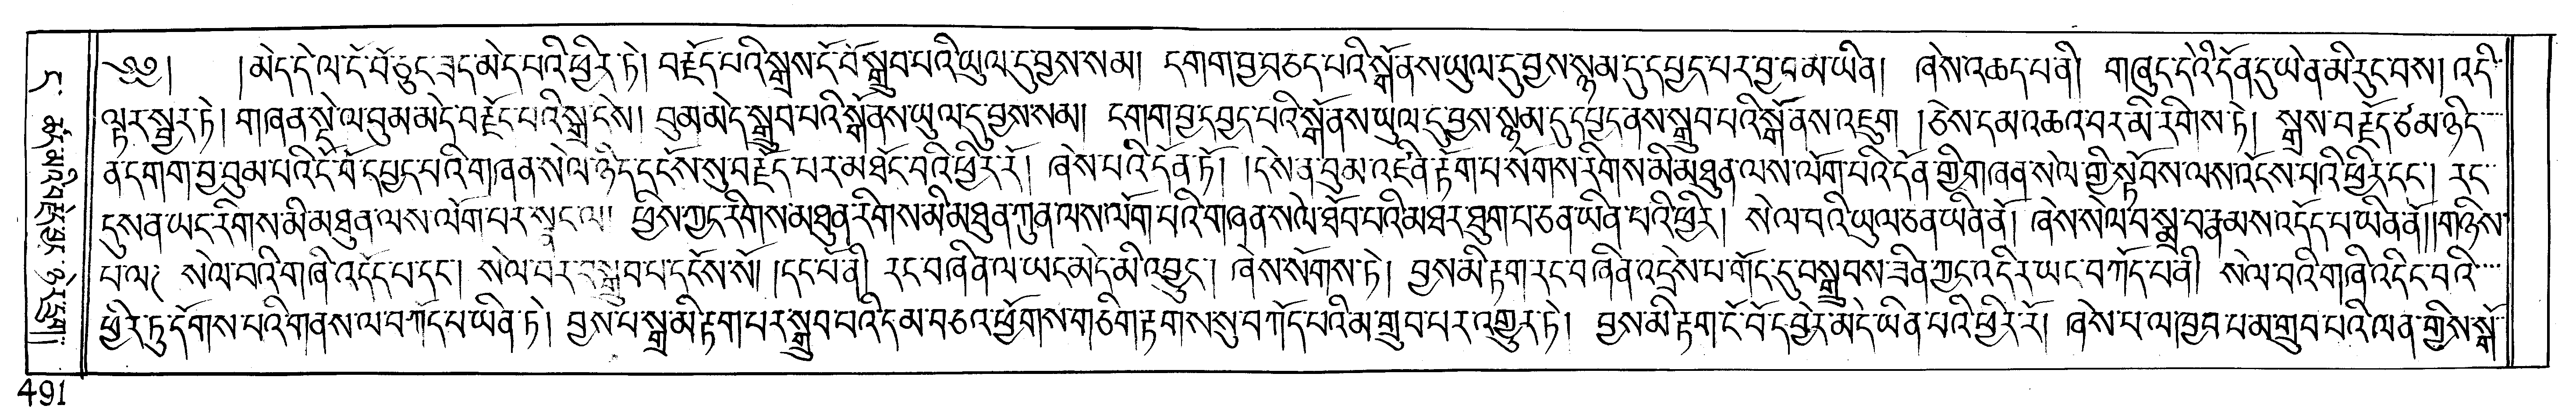༄༅། །མེད་དེ་ལ་ངོ་བོ་ཅུང་ཟད་མེད་པའི་ཕྱིར་ཏེ། བརྗོད་པའི་སྒྲས་ངོ་བོ་སྒྲུབ་པའི་ཡུལ་དུ་བྱས་སམ། དགག་བྱ་བཅད་པའི་སྒོ་ནས་ཡུལ་དུ་བྱས་སྙམ་དུ་དཔྱད་པར་བྱ་བ་མ་ཡིན། ཞེས་འཆད་པ་ནི། གཞུང་དེའི་དོན་དུ་ཡེན་མི་རུང་བས། འདི་
ལྟར་སྦྱར་ཏེ། གཞན་སྡེ་ལ་བུམ་མེད་བརྗོད་པའི་སྒྲ་དེས། བུམ་མེད་སྒྲུབ་པའི་སྒོ་ནས་ཡུལ་དུ་བྱས་སམ། དགག་བྱ་དཔྱད་པའི་སྒོ་ནས་ཡུལ་དུ་བྱས་སྙམ་དུ་དཔྱད་ནས་སྒྲུབ་པའི་སྒོ་ནས་འཇུག །ཅེས་དམ་འཆའ་བར་མི་རིགས་ཏེ། སྒྲས་བརྗོད་ཙམ་ཉིད་
ན་དགག་བྱ་བུམ་པའི་ངོ་བོ་དཔྱད་པའི་གཞན་སེལ་ཉིད་དངོས་སུ་བརྗོད་པར་མཐོང་བའི་ཕྱིར་རོ། ཞེས་པའི་དོན་ཏོ། །དེས་ན་བུམ་འཛིན་རྟོག་པ་སོགས་རིགས་མི་མཐུན་ལས་ལོག་པའི་དོན་གྱི་གཞན་སེལ་གྱི་སྟོབས་ལས་འོངས་བའི་ཕྱིར་དང་། རང་
དུས་ན་ཡང་རིགས་མི་མཐུན་ལས་ལོག་པར་སྣང་ལ། ཕྱིས་ཀྱང་རིགས་མཐུན་རིགས་མི་མཐུན་ཀུན་ལས་ལོག་པའི་གཞན་སེལ་ཐོབ་པའི་མཐར་ཐུག་པ་ཅན་ཡིན་པའི་ཕྱིར། སེལ་བའི་ཡུལ་ཅན་ཡིན་ནོ། ཞེས་སེལ་བ་སྨྲ་བ་རྣམས་འདོད་པ་ཡིན་ནོ། །གཉིས་
པ་ལ༑ སེལ་བའི་གཞི་འདིང་བ་དང་། སེལ་བར་བསྒྲུབ་པ་དངོས་སོ། །དང་པོ་ནི། རང་བཞིན་ལ་ཡང་མེད་མི་འབྱུང་། ཞེས་སོགས་ཏེ། བྱས་མི་རྟག་རང་བཞིན་འདྲེས་བ་གོང་དུ་བསྒྲུབས་ཟིན་ཀྱང་འདིར་ཡང་བཀོད་པ་ནི། སེལ་བའི་གཞི་འདིང་བའི་
ཕྱིར་ཏུ་དོགས་པའི་གནས་ལ་བཀོད་པ་ཡིན་ཏེ། བྱས་པ་སྒྲ་མི་རྟག་པར་སྒྲུབ་པའི་དམ་བཅའ་ཕྱོགས་གཅིག་རྟགས་སུ་བཀོད་པའི་མ་གྲུབ་པར་འགྱུར་ཏེ། བྱས་མི་རྟག་ངོ་བོ་དབྱེར་མེད་ཡིན་པའི་ཕྱིར་རོ། ཞེས་པ་ལ་ཁྱབ་པ་མ་གྲུབ་པའི་ལན་གྱིས་སྒོ་